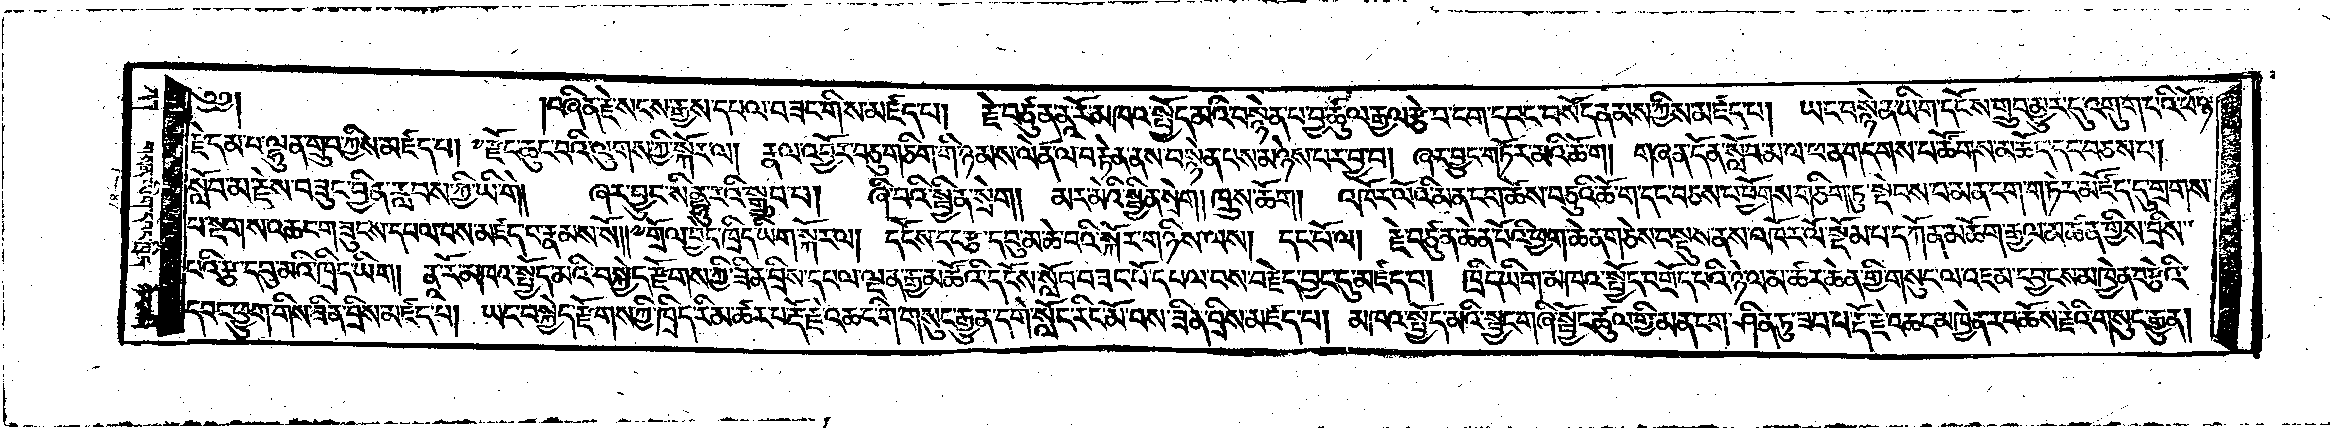༄༅། །བཞིན་རྗེ་སངས་རྒྱས་དཔལ་བཟང་གིས་མཛད་པ། རྗེ་བཙུན་ནཱ་རོ་མཁའ་སྤྱོད་མའི་བསྙེན་པ་བྱ་ཚུལ་རྒྱལ་རྩ་བ་ངག་དབང་བསོད་ནམས་ཀྱིས་མཛད་པ། ཡང་བསྙེན་ཡིག་དངོས་གྲུབ་མྱུར་དུ་འགུག་པའི་ཕོ་ཉ་
རྗེ་དམ་པ་ལྷུང་རུབ་ཀྱིས་མཛད་པ། ༧་རྫོང་ཆུང་བའི་ལུགས་ཀྱི་སྐོར་ལ། རྣལ་འབྱོར་བཅུ་གཅིག་གི་ཉམས་ལེན་ལ་བརྟེན་ནས་བསྙེན་པས་མཉེས་པར་བྱ་བ། ཞར་བྱུང་གཏོར་མའི་ཆོ་ག། གཞན་དོན་སློབ་མ་ལ་ཕན་གདགས་པ་ཚོགས་མཆོད་དན་བཅས་པ།
སློབ་མ་རྗེས་བཟུང་བྱིན་རླབས་ཀྱི་ཡི་གེ། ཞར་བྱུང་སིནྡྷཱུ་རའི་སྒྲུབ་པ། ཞི་བའི་སྦྱིན་སྲེག། མར་མེའི་སྦྱིན་སྲེག། ཁྲུས་ཆོག། འཁོར་ལོའི་མན་ངག་ཚེས་བཅུའི་ཆོག་དང་བཅས་པ་ཕྱོགས་གཅིག་ཏུ་སྡེབས་པ་མན་ངག་གཏེར་མཛོད་དུ་གྲགས་
པ་སྔགས་འཆང་གཟུངས་དཔལ་བས་མཛད་པ་རྣམས་སོ། །༧གྲོལ་བྱེད་ཁྲིད་ཡིག་སྐོར་ལ། དངོས་དན་རྩ་དབུ་མ་ཆེ་བའི་སྐོར་གཉིས་ལས། དན་པོ་ལ། རྗེ་བཙུན་ཆེན་པོའི་ཕྱག་ཆེན་པོའི་ཕྱག་ཆེན་གཅེས་བསྡུས་ནས་འཁོར་ལོ་སྡོམ་པ་དཀོན་མཆོ་རྒྱལ་མཚན་གྱིས་བྲིས་
པའི་རྩ་དབུ་མའི་ཁྲིད་ཡི། ནཱ་རོ་མཁའ་སྤྱོད་མའི་བསྐྱེད་རྫོགས་ཀྱི་ཟིན་བྲིས་དཔལ་ལྡན་རྒྱ་མཚོའི་དངོས་སློབ་བཟང་པོ་དཔལ་བས་བརྗེད་བྱང་དུ་མཛད་པ། ཁྲིད་ཡིག་མཁའ་སྤྱོད་འགྲོད་པའི་ཉལ་མ་ཚར་ཆེན་གྱི་གསུང་ལ་འཇམ་དབྱངས་མཁྱེན་བརྩེའི་
དབང་ཕྱུག་གིས་ཟིན་བྲིས་མཛད་པ། ཡང་སྐྱེད་རྫོགས་ཀྱི་ཁྲིད་རིམ་ཚར་པ་རྡོ་རྗེ་འཆང་གི་གསུང་རྒྱུན་དགེ་སློང་རིང་མོ་བས་ཟིན་བྲིས་མཛད་པ། མཁའ་སྤྱོད་མའི་སྦྱང་གཞི་སྦྱོང་ཚུལ་གྱི་མན་ངག་ཤིན་ཏུ་ཟབ་པ་རྡོ་རྗེ་འཆང་མཁྱེན་རབ་ཆོས་རྗེའི་གསུང་རྒྱུན།